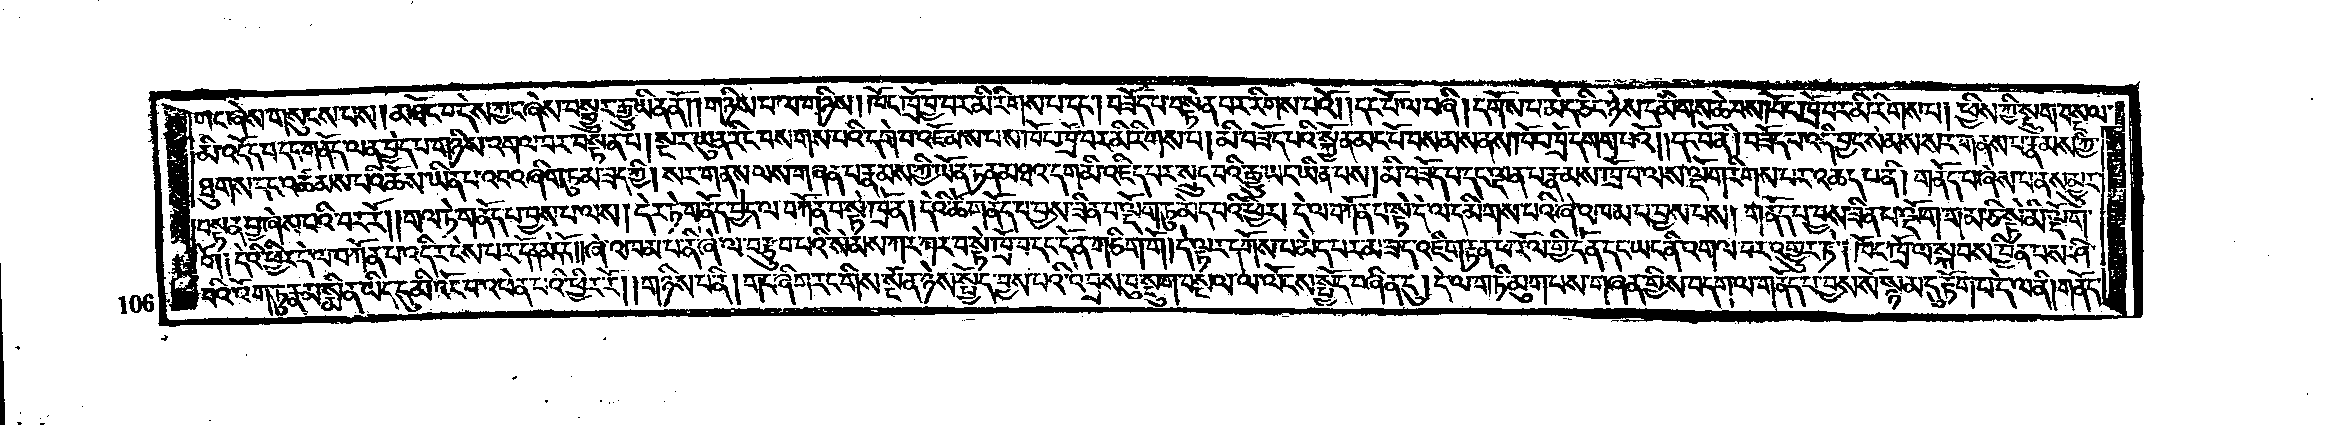ཡང་ཞེས་གསུངས་པས། མཐོང་བ་དེས་ཀྱང་ཞེས་བསྒྱུར་རྒྱུ་ཡིན་ནོ། །གཉིས་པ་ལ་གཉིས། ཁོང་ཁྲོ་བྱ་བར་མི་རིགས་པ་དང་། བཟོད་པ་བསྟེན་པར་རིགས་པའོ། །དང་པོ་ལ་བཞི། དགོས་པ་མེད་ཅིང་ཉེས་དམིགས་ཆེ་བས་ཁོང་ཁྲོ་བར་མི་རིགས་པ། ཕྱིས་ཀྱི་སྡུག་བསྔལ་
མི་འདོད་བ་དང་གནོད་ལན་བྱེད་པ་གཉིས་འགལ་བར་བསྟན་པ། སྔར་ཡུན་རིང་བསགས་པའི་དགེ་བ་འཇོམས་པས་ཁོང་ཁྲོ་བར་མི་རིགས་པ། མི་བཟོད་པའི་སྐྱོན་མང་པོ་བསམས་ནས་ཁོང་ཁྲོ་དགག་པའོ། །དང་པོ་ནི། བཟོད་པ་འདི་བྱང་སེམས་སར་གནས་པ་རྣམས་ཀྱི་
ཐུགས་དང་འཚམས་པའི་ཆོས་ཡིན་པ་འབའ་ཞིག་ཏུ་མ་ཟད་ཀྱི། སར་གནས་ལས་གཞན་པ་རྣམས་ཀྱི་ཡོན་ཏན་མཐའ་དག་མི་འཛད་པར་སྲུང་བའི་རྒྱུ་ཡང་ཡིན་པས། མི་བཟོད་པ་དང་ལྡན་པ་རྣམས་ཁྲོ་བ་ལས་ལྡོག་རིགས་པར་འཆད་པ་ནི། གནོད་པ་ཞེས་པ་ནས་མྱུར་
བསྟན་བྱ་ཞེས་པའི་བར་རོ། །གལ་ཏེ་གནོད་པ་བྱས་པ་ལས་དེར་ཏེ་གནོད་བྱེད་ལ་བཀོན་པ་སྟེ་ཁྲོ་ན། དེའི་ཚེ་གནོད་པ་བྱས་ཟིན་པ་ལྡོག་ཏུ་མེད་པའི་ཕྱིར། དེ་ལ་བཀོན་པ་སྟེ་དེ་ལ་དམིགས་པའི་ཞེ་འཁམ་པ་བྱས་པས། གནོད་པ་བྱས་ཟིན་པ་ལྡོག་གམ་ཅི་སྟེ་མི་ལྡོག་
གོ །དེའི་ཕྱིར་དེ་ལ་བཀོན་པ་འདིར་ངེས་པར་དོན་མེད་དོ། །ཞེ་འཁམ་པ་ནི་ཞེ་ལ་རྩུབ་པའི་སེམས་ཀར་ཀར་བ་སྟེ་ཁྲོ་བ་དང་དོན་གཅིག་གོ །དེ་ལྟར་དགོས་པ་མེད་པར་མ་ཟད་འཇིག་རྟེན་ཕ་རོལ་གྱི་དོན་དང་ཡང་ནི་འགལ་བར་འགྱུར་ཏེ། ཁོང་ཁྲོ་ལ་སྐབས་བྱིན་པས་ཤི་
བའི་འོག་ཏུ་རྣམ་སྨིན་ཡིད་དུ་མི་འོང་བ་འཕེན་པའི་ཕྱིར་རོ། །གཉིས་པ་ནི། གང་ཞིག་རང་གིས་སྔོན་ཉེས་སྤྱོད་བྱས་པའི་འབྲས་བུ་སྡུག་བསྔལ་ལ་ལོངས་སྤྱོད་བཞིན་དུ། དེ་ལ་གཏི་མུག་པས་གཞན་གྱིས་བདག་ལ་གནོད་པ་བྱས་སོ་སྙམ་དུ་རྟོག་པ་དེ་ལ་ནི། གནོད་